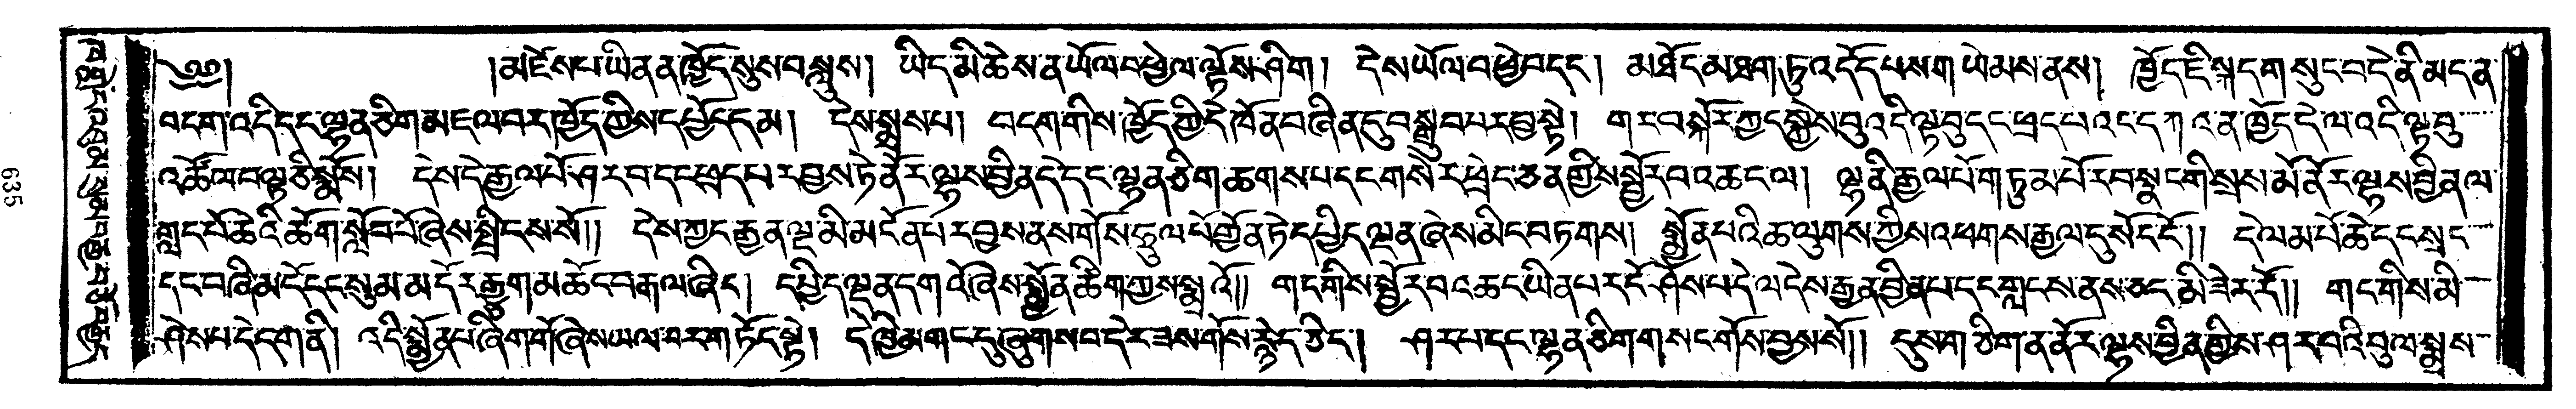༄༅། །མཛེས་པ་ཡིན་ན་ཁྱོད་སུས་བསླུས། ཡིད་མི་ཆེས་ན་ཡོལ་བ་ཕྱེ་ལ་ལྟོས་ཤིག། དེས་ཡོལ་བ་ཕྱེ་བ་དང་། མཐོང་མ་ཐག་ཏུ་འདོད་པས་གཡེམས་ནས། ཁྱོད་ཇི་སྐད་གསུང་བ་དེ་ནི་མད་ན་
བདག་འདི་དང་ལྷན་ཅིག་མཇལ་བར་ཁྱོད་ཀྱིས་དཔྱོད་དམ། དེས་སྨྲས་པ། བདག་གིས་ཁྱོད་ཀྱི་དེ་ཁོ་ན་བཞིན་དུ་བསྒྲུབ་པར་བྱ་སྟེ། གར་བསྐོར་ཀྱང་སྐྱེས་བུ་འདི་ལྟ་བུ་དང་ཕྲད་པའང་དཀའ་ན་ཁྱོད་དེ་ལ་འདི་ལྟ་བུ་
འཚོལ་བལྟ་ཅི་སྨོས། དེས་དེ་རྒྱལ་པོ་ཤར་བ་དང་ཕྲད་པར་བྱས་ཏེ་ནོར་ལྷས་བྱིན་དེ་དང་ལྷན་ཅིག་ཆགས་པ་དང་གསེར་ཕྲེང་ཅན་གྱིས་སྦྱོར་བ་འཆང་ལ། ལྷ་ནི་རྒྱལ་པོ་གཏུམ་པོ་རབ་སྣང་གི་སྲས་མོ་ནོར་ལྷས་བྱིན་ལ་
གླང་པོ་ཆེའི་ཆོ་ག་སློབ་པོ་ཞེས་སྤྲིངས་སོ།། དེས་ཀྱང་རྒྱན་ལྔ་མི་མངོན་པར་བྱས་ནས་གོས་ཧྲུལ་པོ་གྱོན་ཏེ་དཔྱིད་ལྡན་ཞེས་མིང་བཏགས། སྨྱོན་པའི་ཆ་ལུགས་ཀྱིས་འཕགས་རྒྱལ་དུ་སོང་ངོ།། དེ་ལམ་པོ་ཆེ་དང་སྲང་
དང་བཞི་མདོ་དང་སུམ་མདོར་རྒྱུག་མཆོང་བརྒལ་ཞིང་། དཔྱིད་ལྡན་དགའོ་ཞེས་སྨྱོན་ཚིག་ཀྱས་སྨྲའོ།། གང་གིས་སྦྱོར་བ་འཆང་ཡིན་པར་ངོ་ཤེས་པ་དེ་ལ་དེས་རྒྱན་བྱིན་པ་དང་གླངས་ནས་ཅང་མི་ཟེར་རོ།། གང་གིས་མི་
ཤེས་པ་དེ་དག་ནི། འདི་སྨྱོན་པ་ཞིག་གོ་ཞེས་ཡལ་བར་གཏོང་སྟེ། དེ་ཁྱིམ་གང་དུ་ཞུགས་བ་དེར་ཟས་གོས་རྙེད་ཅིང་། ཤར་པ་དང་ལྷན་ཅིག་གསང་གོས་བྱས་སོ།། དུས་གཅིག་ན་ནོར་ལྷས་བྱིན་གྱིས་ཤར་བའི་བུ་ལ་སྨྲས་